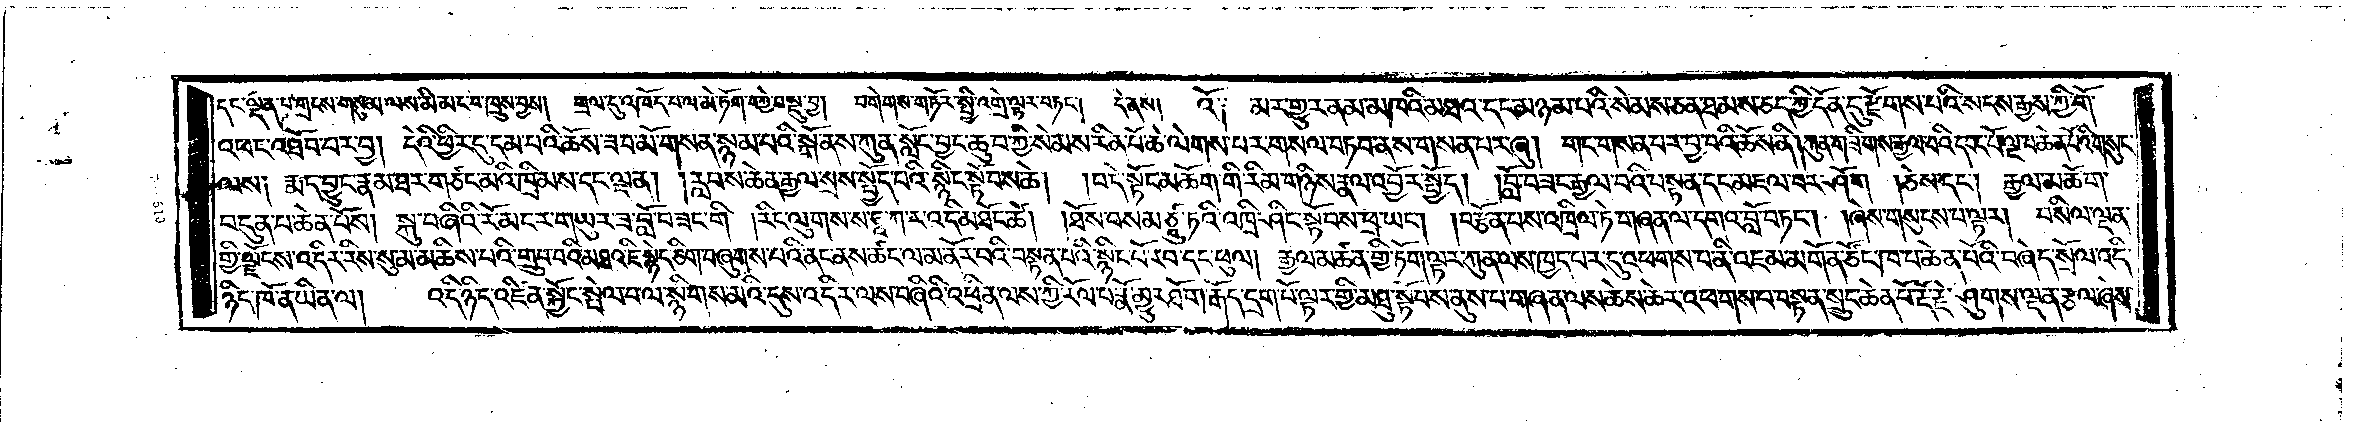དང་ལྡན་པ་གྲངས་གསུམ་ལས་མི་མང་བ་ཁྲུས་བྱས། གྲལ་དུ་འཁོད་པ་ལ་མེ་ཏོག་བཀྱེ་བསྡུ་བྱ། བགེགས་གཏོར་སྤྱི་འགྲེ་ལྟར་བཏང་། དེ་ནས། འོ༑ མར་གྱུར་ནམ་མཁའི་མཐའ་དང་མཉམ་པའི་སེམས་ཅན་ཐམས་ཅད་ཀྱི་དོན་དུ་རྫོགས་པའི་སངས་རྒྱས་ཀྱི་གོ་
འཕང་འཐོབ་བར་བྱ། དེའི་ཕྱིར་དུ་དམ་པའི་ཆོས་ཟབ་མོ་གསན་སྙམ་པའི་སྒོ་ནས་ཀུན་སློང་བྱང་ཆུབ་ཀྱི་སེམས་རིན་པོ་ཆེ་ལེགས་པར་གསལ་བཏབ་ནས་གསན་པར་ཞུ། གང་གསན་པར་བྱ་བའི་ཆོས་ནི། ཀུན་གཟིགས་རྒྱལ་བའི་དབང་པོ་ལྔ་པ་ཆེན་པོའི་གསུང་
ལས༑ རྨད་བྱུང་རྣམ་ཐར་གཙང་མའི་ཁྲིམས་དང་ལྡན། །རླབས་ཆེན་རྒྱལ་སྲས་སྤྱོད་བའི་སྙིང་སྟོབས་ཆེ། །བདེ་སྟོང་མཆོག་གི་རིམ་གཉིས་རྣལ་འབྱོར་སྤྱོད། །བློ་བཟང་རྒྱལ་བའི་བསྟན་དང་མཇལ་བར་ཤོག །ཅེས་དང་། རྒྱལ་མཆོག་
བདུན་པ་ཆེན་པོས། སྐུ་བཞིའི་རོ་མངར་གཡུར་ཟ་བློ་བཟང་གི །རིང་ལུགས་ས་ཧཱ་ཀ་ར་འདི་མཐོང་ཚེ། །ཐོས་བསམ་ཙཱུ་ཏའི་འཁྲི་ཤིང་སྟོབས་ཕྲ་ཡང་། །བརྩོན་པས་འཁྲིལ་ཏེ་གཞན་ལ་དགའ་བློ་བཏང་། །ཞེས་གསུངས་བ་ལྟར།  བསིལ་ལྡན་
གྱི་ལྗོངས་འདིར་རིས་སུ་མ་མཆིས་པའི་གྲུབ་བའི་མཐའ་ཇི་སྙེད་ཅིག་བཞུགས་པའི་ནང་ནས་ཚང་ལ་མནོར་བའི་བསྟན་པའི་སྙིང་པོ་རབ་དང་ཕུལ། རྒྱལ་མཚན་གྱི་ཏོག་ལྟར་ཀུན་ལས་ཁྱད་པར་དུ་འཕགས་པ་ནི་འཇམ་མགོན་ཙོང་ཁ་པ་ཆེན་པོའི་བཞེད་སྲོལ་འདི་
ཉིད་ཁོ་ན་ཡིན་ལ། འདི་ཉིད་འཛིན་སྐྱོང་སྤེལ་བ་ལ་སྙིགས་མའི་དུས་འདིར་ལས་བཞིའི་འཕྲིན་ལས་ཀྱི་རོལ་པ་རྣོ་མྱུར་ཐོག་རྒོད་དྲག་པོ་ལྟར་གྱི་མཐུ་སྟོབས་ནུས་པ་གཞན་ལས་ཆེས་ཆེར་འཕགས་པ་བསྟན་སྲུང་ཆེན་པོ་རྡོ་རྗེ་ཤུགས་ལྡན་རྩལ་ཞེས་